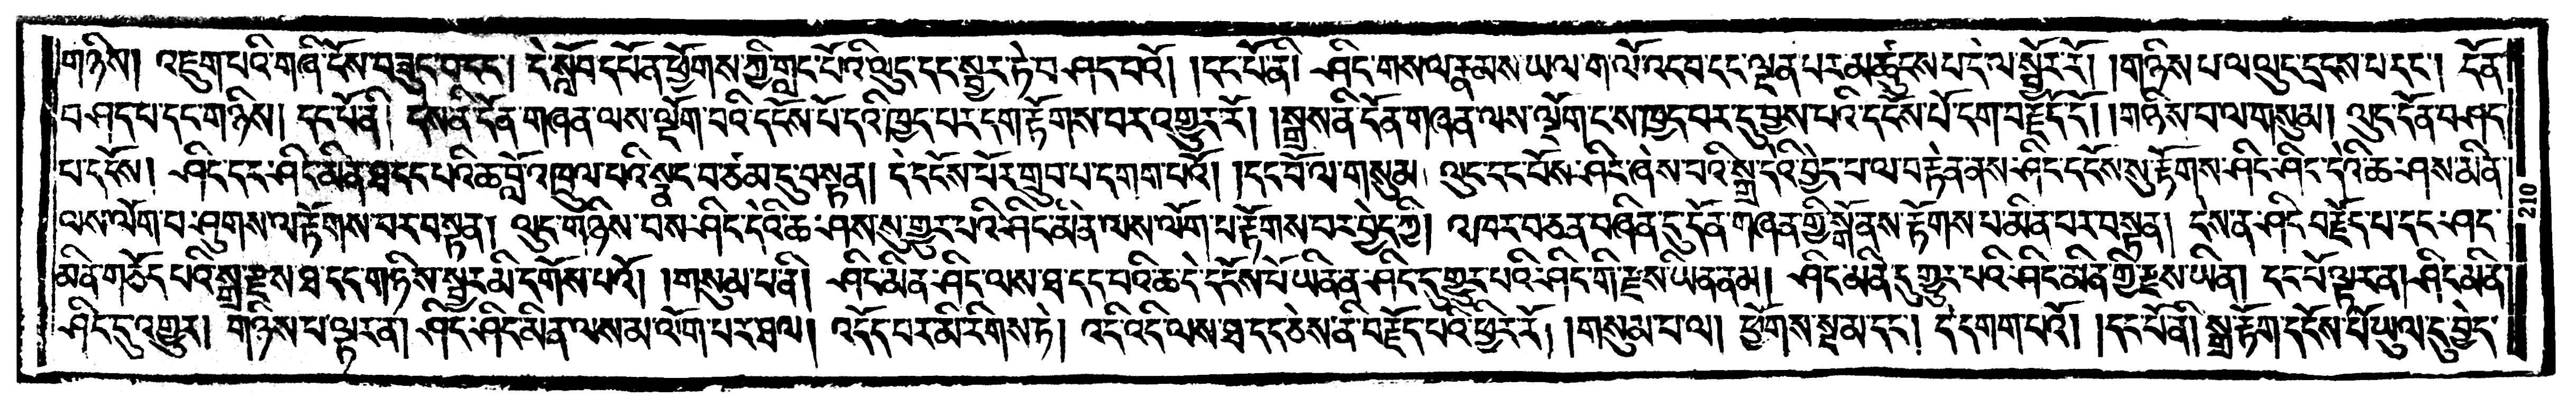གཉིས། འཇུག་པའི་གཞི་ངོས་བཟུང་བ་དང་། དེ་སློབ་དཔོན་ཕྱོགས་ཀྱི་གླང་པོའི་ལུང་དང་སྦྱར་ཏེ་བཤད་པའོ། །དང་པོ་ནི། ཤིང་གསལ་རྣམས་ཡལ་ག་ལོ་འདབ་དང་ལྡན་པར་མཚུངས་པ་དེ་ལ་སྦྱོར་རོ། །གཉིས་པ་ལ་ལུང་དྲངས་པ་དང་། དོན་
བཤད་པ་དང་གཉིས། དང་པོ་ནི། དེས་ནི་དོན་གཞན་ལས་ལྡོག་པའི་དངོས་པོ་དའི་ཁྱད་པར་དག་རྟོགས་པར་འགྱུར་རོ། །སྒྲས་ནི་དོན་གཞན་ལས་ལྡོག་པས་ཁྱད་པར་དུ་བྱས་པའི་དངོས་པོ་དག་བརྗོད་དོ། །གཉིས་པ་ལ་གསུམ། ལུང་དོན་བཤད་
པ་དངོས། ཤིང་དང་ཤིང་མིན་ཐ་དད་པའི་ཆ་བློ་འཁྲུལ་པའི་སྣང་བ་ཙམ་དུ་བསྟན། དེ་དངོས་པོར་གྲུབ་པ་དགག་པའོ། །དང་པོ་ལ་གསུམ། ལུང་དང་པོས་ཤིང་ཞེས་པའི་སྒྲ་དེའི་བྱེད་པ་ལ་བརྟེན་ནས་ཤིང་དངོས་སུ་རྟོགས་ཤིང་ཤིང་དེའི་ཆ་ཤས་མིན་
ལས་ལོག་པ་ཤུགས་ལ་རྟོགས་པར་བསྟན། ལུང་གཉིས་པས་ཤིང་དེའི་ཆ་ཤས་སུ་གྱུར་པའི་ཤིང་མིན་ལས་ལོག་པ་རྟོགས་པར་བྱེད་ཀྱི། འཁར་བ་ཅན་བཞིན་དུ་དོན་གཞན་གྱི་སྒོ་ནས་རྟོགས་པ་མིན་པར་བསྟན། དེས་ན་ཤིང་བརྗོད་པ་དང་ཤང་
མིན་གཅོད་པའི་སྒྲ་རྫས་ཐ་དད་གཉིས་སྦྱར་མི་དགོས་པའོ། །གསུམ་པ་ནི། ཤིང་མིན་ཤིང་ལས་ཐ་དད་པའི་ཆ་དེ་དངོས་པོ་ཡིན་ན་ཤིང་དུ་གྱུར་པའི་ཤིང་གི་རྫས་ཡིན་ནམ། ཤིང་མིན་དུ་གྱུར་པའི་ཤིང་མིན་གྱི་རྫས་ཡིན། དང་པོ་ལྟར་ན། ཤིང་མིན་
ཤིང་དུ་འགྱུར། གཉིས་པ་ལྟར་ན། ཤིང་ཤིང་མིན་ལས་མ་ལོག་པར་ཐལ། འདོད་པར་མི་རིགས་ཏེ། འདི་འདི་ལས་ཐ་དད་ཅེས་ནི་བརྗོད་པའི་ཕྱིར་རོ། །གསུམ་པ་ལ། ཕྱོགས་སྔ་མ་དང་། དེ་དགག་པའོ། །དང་པོ་ནི། སྒྲ་རྟོག་དངོས་པོ་ཡུལ་དུ་བྱེད་